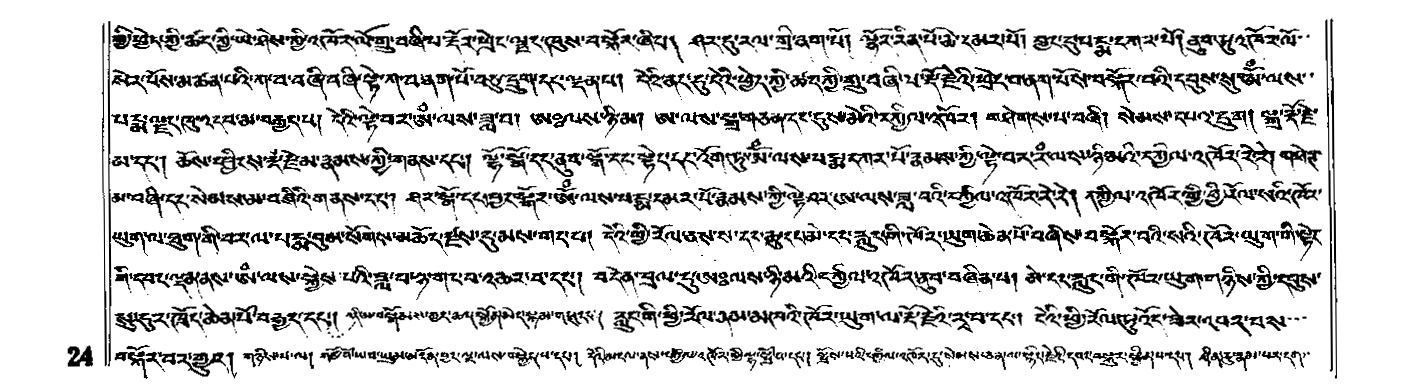གྱི་ཕྱེད་ཀྱི་ཚད་ཀྱི་ཡེ་ཤེས་ཀྱི་འཁོར་ལོ་གྲུ་བཞི་པ་རྡོར་ཕྲེང་ལྗང་ཁུས་བསྐོར་ཞིང་། ཤར་དུ་རལ་གྲི་ནག་པོ། ལྷོར་རིན་པོ་ཆེ་དམར་པོ། བྱང་དུ་པདམ་དཀར་པོ། ནུབ་ཏུ་འཁོར་ལོ་
སེར་པོས་མཚན་པའི་ཀ་བ་བཞི་བཞི་སྟེ་ཀ་བ་ནག་པོ་བཅུ་དྲུག་དང་ལྡན་པ། དེའི་ནང་དུ་དེའི་ཕྱེད་ཀྱི་ཚད་ཀྱི་གྲུ་བཞི་པ་རྡོ་རྗེའི་ཕྲེང་བ་ནག་པོས་བསྐོར་བའི་དབུས་སུ་ཨོཾ་ལས་
པདམ་ལྗང་ཁུ་འདབ་མ་བརྒྱད་པ། དེའི་ལྟེ་བར་ཨཾ་ལས་ཟླ་བ། ཨཿ ལས་ཉི་མ། ཨ་ལས་སྒྲ་གཅན་དང་དུས་མེའི་དཀྱིལ་འཁོར། གཤེགས་པ་བཞི། སེམས་དཔའ་དྲུག། སྒྲ་རྡོ་རྗེ་
མ་དང་། ཆོས་དབྱིངས་རྡོ་རྗེ་མ་རྣམས་ཀྱི་གནས་དང་། ལྷོ་སྒོ་དང་ནུབ་སྒོ་དང་སྟེང་དང་འོག་ཏུ་ཨོཾ་ལས་པདམ་དཀར་པོ་རྣམས་ཀྱི་ལྟེ་བར་རཾ་ལས་ཉི་མའི་དཀྱིལ་འཁོར་རེ་རེ། གཤེགས་
མ་བཞི་དང་སེམས་མ་བཞིའི་གནས་དང་། ཤར་སྒོ་དང་བྱང་སྒོར་ཨོཾ་ལས་པདམ་དམར་པོ་རྣམས་ཀྱི་ལྟེ་བར་ཨ་ལས་ཟླ་བའི་དཀྱིལ་འཁོར་རེ་རེ། དཀྱིལ་འཁོར་གྱི་ཕྱི་རོལ་སའི་ཁོར་
ཡུག་ལ་ཐུག་གི་བར་ལ་པདམ་བུམ་སོགས་མཆོད་རྫས་དུ་མས་གང་བ། དེའི་ཕྱི་རོལ་ནས་ས་དང་ཆུ་དང་མེ་དང་རླུང་གི་ཁོར་ཡུག་ཆེན་པོ་བཞིས་བསྐོར་བའི་སའི་ཁོར་ཡུག་གི་སྟེང་
གི་དབང་ལྡན་ནས་ཨཾ་ལས་སྐྱེས་པའི་ཟླ་བ་ཉ་གང་བ་འཆར་བ་དང་། བདེན་བྲལ་དུ་ཨཿ ལས་ཉི་མའི་དཀྱིལ་འཁོར་ནུབ་བཞིན་པ། མེ་དང་རླུང་གི་ཁོར་ཡུག་གཉིས་ཀྱི་དབུས་
སུ་དུར་ཁྲོད་ཆེན་པོ་བརྒྱད་དང་། འདི་མ་བསྒོམས་ཀྱང་ཆད་སྐྱོན་མེད་སྙམ་གསུངས།  རླུང་གི་ཕྱི་རོལ་ནམ་མཁའི་ཁོར་ཡུག་ལ་རྡོ་རྗེའི་རྭ་བ་དང་། དེའི་ཕྱི་རོལ་ཏུ་འོད་ཟེར་འབར་བས་
བསྐོར་བར་གྱུར། གཉིས་པ་ལ། གཙོ་བོ་ཡབ་ཡུམ་མངོན་བྱང་ལྔ་ལས་བསྐྱེད་པ་དང་། དེའི་མངལ་ནས་དཀྱིལ་འཁོར་གྱི་ལྷ་སྤྲོ་བ་དང་། སྤྲོས་པའི་དཀྱིལ་འཁོར་དུ་སེམས་ཅན་ལ་སྙིང་རྗེའི་དབང་བསྐུར་སྦྱིན་པ་དང་། ཤིན་ཏུ་རྣམ་པར་དག་